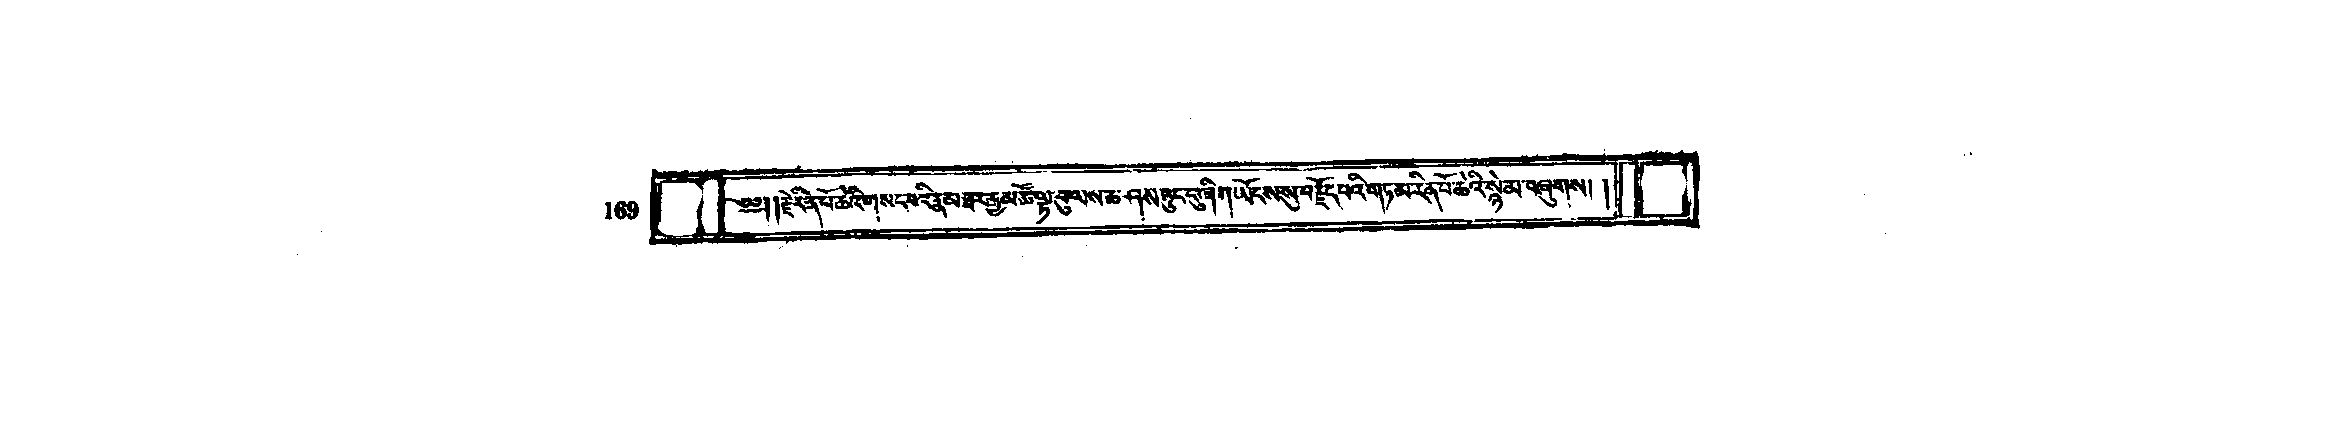༄༅། །རྗེ་རིན་པོ་ཆེའི་གསང་བའི་རྣམ་ཐར་རྒྱ་མཚོ་ལྟ་བུ་ལས་ཆ་ཤས་ཉུང་དུ་ཞིག་ཡོངས་སུ་བརྗོད་པའི་གཏམ་རིན་པོ་ཆེའི་སྙེམ་བཞུགས། །